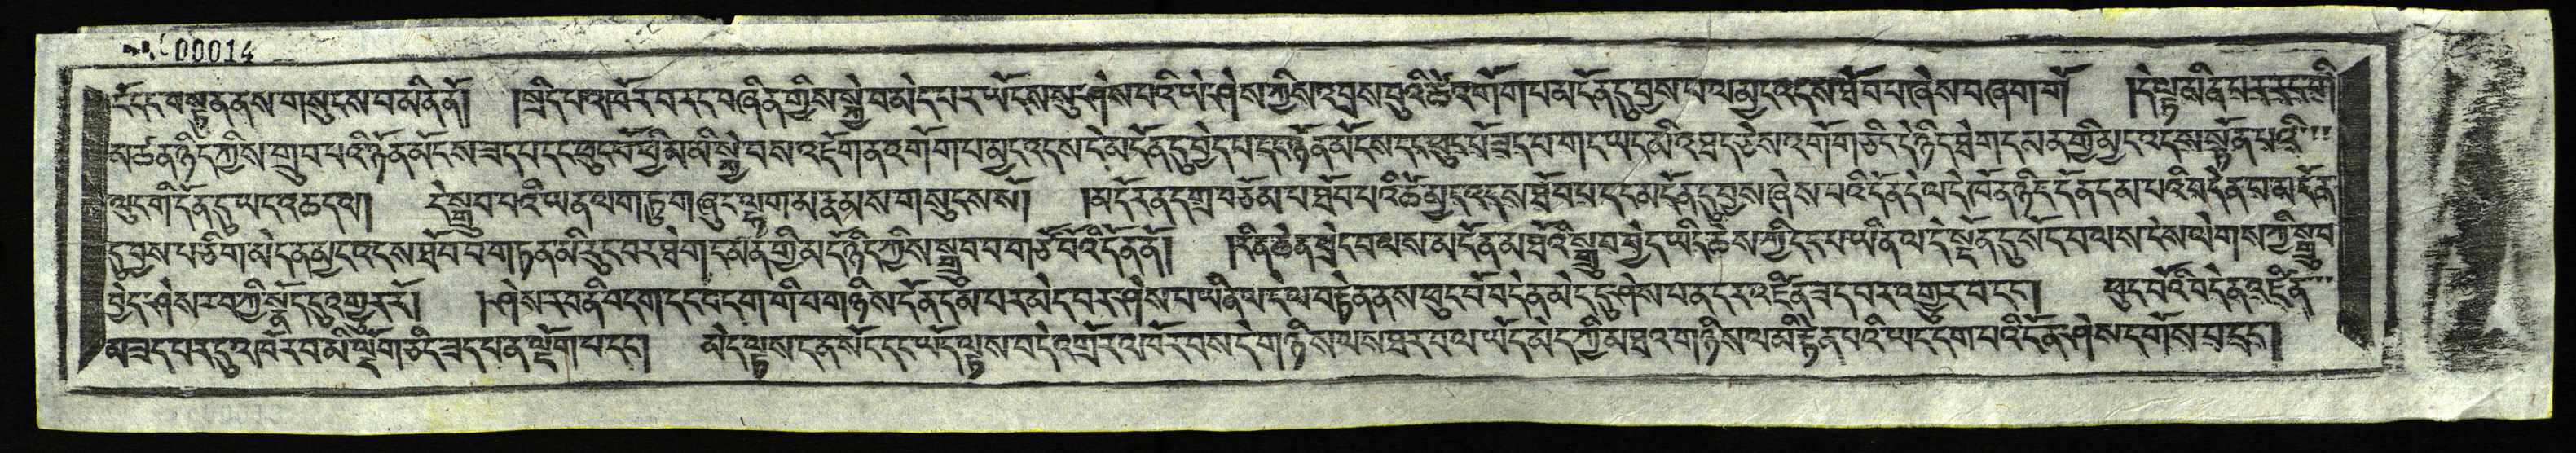ངོ་དང་བསྟུན་ནས་གསུངས་པ་མིན་ནོ། །སྲིད་པ་འཁོར་བ་རང་བཞིན་གྱིས་སྐྱེ་བ་མེད་པར་ཡོངས་སུ་ཤེས་པའི་ཡེ་ཤེས་ཀྱིས་འབྲས་བུའི་ཚེ་འགོག་པ་མངོན་དུ་བྱས་པ་ལ་མྱང་འདས་ཐོབ་པ་ཞེས་བཞག་གོ །དེ་ལྟ་མིན་པར་རང་གི་
མཚན་ཉིད་ཀྱིས་གྲུབ་པའི་ཉོན་མོངས་ཟད་པ་དང་ཕུང་པོ་ཕྱི་མ་མི་སྐྱེ་བས་འཇོག་ན་འགོག་པ་མྱང་འདས་དེ་མངོན་དུ་བྱེད་པ་དང་ཉོན་མོངས་དང་ཕུང་པོ་ཟད་པ་གང་ཡང་མི་འཐད་ཅེས་འགོག་ཅིང་དེ་ཉིད་ཐེག་དམན་གྱི་མྱང་འདས་སྟོན་པའི་
ལུང་གི་དོན་དུ་ཡང་འཆད་ལ། དེ་སྒྲུབ་པའི་ཡན་ལག་ཏུ་གཞུང་ལྷག་མ་རྣམས་གསུངས་སོ། །མདོར་ན་དགྲ་བཅོམ་པ་ཐོབ་པའི་ཚེ་མྱང་འདས་ཐོབ་པ་དང་མངོན་དུ་བྱས་ཞེས་པའི་དོན་དེ་ལ་དེ་ཁོ་ན་ཉིད་དོན་དམ་པའི་བདེན་པ་མངོན་
དུ་བྱས་པ་ཅིག་མེད་ན་མྱང་འདས་ཐོབ་པ་གཏན་མི་རུང་བར་ཐེག་དམན་གྱི་མདོ་ཉིད་ཀྱིས་སྒྲུབ་པ་གཙོ་བོའི་དོན་ནོ། །རིན་ཆེན་ཕྲེང་བ་ལས་མངོན་མཐོའི་སྒྲུབ་བྱེད་ཡིད་ཆེས་ཀྱི་དད་པ་ཡིན་ལ་དེ་སྔོན་དུ་སོང་བ་ལས་ངེས་ལེགས་ཀྱི་སྒྲུབ་
བྱེད་ཤེས་རབ་ཀྱི་སྣོད་དུ་འགྱུར་རོ། །ཤེས་རབ་ནི་བདག་དང་བདག་གི་བ་གཉིས་དོན་དམ་བར་མེད་བར་ཤེས་པ་ཡིན་ལ་དེ་ལ་བརྟེན་ནས་ཕུང་པོ་བདེན་མེད་དུ་ཤེས་པ་ན་ངར་འཛིན་ཟད་པར་འགྱུར་བ་དང་། ཕུང་པོའི་བདེན་འཛིན་
མ་ཟད་པར་དུ་འཁོར་བ་མི་ལྡོག་ཅིང་ཟད་པ་ན་ལྡོག་པ་དང་། མེད་ལྟས་ངན་སོང་དང་ཡོད་ལྟས་བདེ་འགྲོར་འཁོར་བས་དེ་གཉིས་ལས་ཐར་བ་ལ་ཡོད་མེད་ཀྱི་མཐའ་གཉིས་ལ་མི་རྟེན་པའི་ཡང་དག་པའི་དོན་ཤེས་དགོས་པ་དང་།